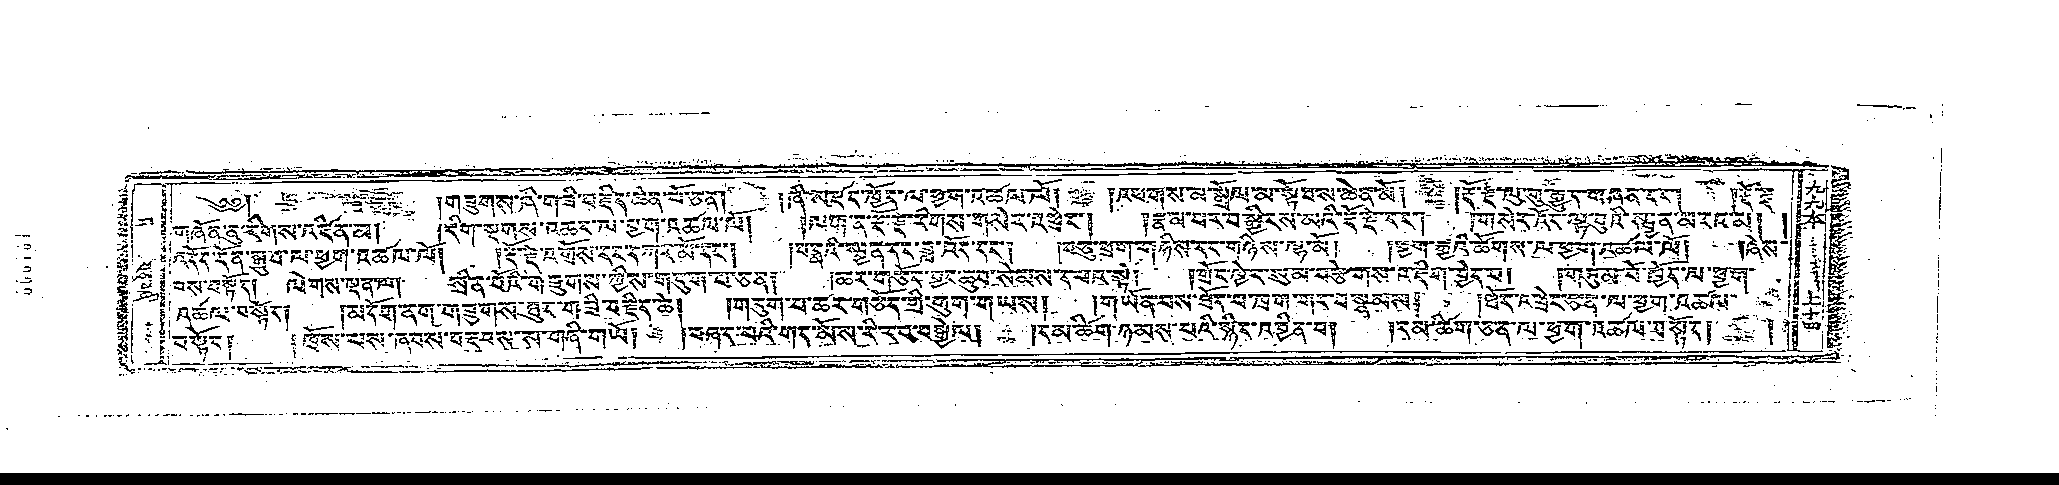༄༅། །གཟུགས་ཞི་གཟི་བརྗིད་ཆེན་པོ་ཅན། །ཞི་མཛད་ཁྱོད་ལ་ཕྱག་འཚལ་ལོ། །འཕགས་མ་སྒྲོལ་མ་སྟོབས་ཆེན་མོ། །རྡོ་རྗེ་ལུ་གུ་རྒྱུད་གཞན་དང་། །རྡོ་རྗེ་
གཞོན་ནུ་རིགས་འཛིན་མ། །རིག་སྔགས་འཆང་ལ་ཕྱག་འཚལ་ལོ། །ལག་ན་རྡོ་རྗེ་རིགས་གསེར་འཕྲེང་། །རྣམ་པར་བསྒྱིངས་མའི་རྡོ་རྗེ་དང་། །གསེར་འོད་ལྟ་བུའི་སྤྱན་མངའ་མ། །
འདོད་དོན་སྒྲུབ་ལ་ཕྱག་འཚལ་ལོ། །རྡོ་རྗེ་འགྲོས་དང་དཀར་མོ་དང་། །པདམའི་སྤྱན་དང་ཟླ་འོད་དང་། །བཅུ་ཕྲག་གཉིས་དང་གཉིས་ལྷ་མོ། །ཕྱག་རྒྱའི་ཚོགས་ལ་ཕྱག་འཚལ་ལོ། །ཞེས་
པས་བསྟོད། །ལེགས་ལྡན་ལ། སྲིན་པོའི་གཟུགས་ཀྱིས་གདུག་པ་ཅན། །ཚར་གཅོད་བྱང་ཆུབ་སེམས་དཔའ་སྟེ། །གྲོང་ཁྱེར་སུམ་བརྩེགས་འཇིག་བྱེད་པ། །གཏུམ་པོ་ཁྱོད་ལ་ཕྱག་
འཚལ་བསྟོད། །མདོག་ནག་གཟུགས་ཐུང་གཟི་བརྗིད་ཆེ། །གདུག་པ་ཚར་གཅོད་གྲི་གུག་གཡས། །གཡོན་པས་ཐོད་པ་ཁྲག་གང་བསྣམས། །ཐོད་འཕྲེང་ཅན་ལ་ཕྱག་འཚལ་
བསྟོད། །ཁྲོས་པས་ཞབས་བརྡབས་ས་གཞི་གཡོ། །བཞད་པའི་གང་མོས་རི་རབ་བསྒྱེལ། །དམ་ཚིག་ཉམས་པའི་སྙིང་འབྱིན་པ། །དམ་ཚིག་ཅན་ལ་ཕྱག་འཚལ་བསྟོད། །